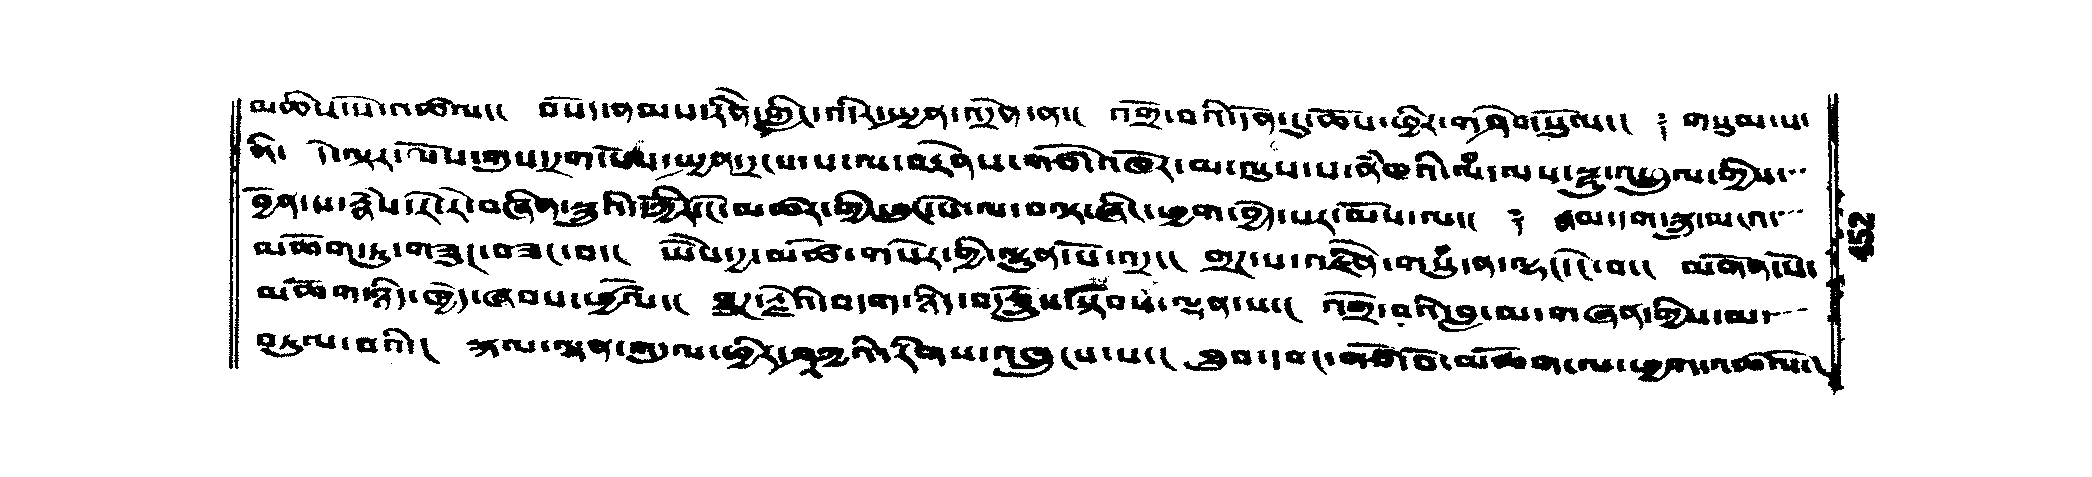མཆིས་སོ་མཚལ། །བསོད་ནམས་རིན་ཆེན་གླིང་འདིར་སྤྱན་འདྲེན་ན། །འགྲོ་བའི་དོན་དུ་མཆོད་ཕྱིར་གཤེགས་སུ་གསོལ། གསུམ་པ་
ནི། དེ་ལྟར་མོས་གུས་དྲག་པོས་སྤྱན་དྲངས་པ་ལ་བརྟེན་ནས་གཙོ་འཁོར་མ་ལུས་པ་ནམ་མཁའི་ལམ་ལས་རྫུ་འཕྲུལ་གྱིས་
བྱོན་པ་རྣམས་རེ་རེ་བཞིན་སྐུའི་དཀྱིལ་འཁོར་ངོ་མཚར་གྱི་ཕུང་པོ་ལ་བལྟ་ཞིང་ཕྱག་བྱེད་པར་མོས་ལ། རྣམ་དག་སྐུ་མངའ་
མཆོག་ཏུ་གཟུགས་བཟང་བ། །ཡེ་ཤེས་རྒྱ་མཚོ་གསེར་གྱི་ལྷུན་པོ་འདྲ། །གྲགས་པ་འཇིག་རྟེན་གསུམ་ན་ལྷང་ངེ་བ། །མགོན་པོ་
མཆོག་ཉིད་ཁྱོད་ལ་ཕྱག་འཚལ་ལོ། །ཐུགས་རྗེའི་བདག་ཉིད་བརྩོན་འགྲུས་སྟོབས་ལྡན་པ། །འགྲོ་བའི་བླ་མ་གཞན་གྱིས་མ་
བརྟུལ་བའི། །སྐལ་ལྡན་གདུལ་ཕྱིར་ཤཱཀྱའི་རིགས་འཁྲུངས་པ། །ཐུབ་དབང་གཙོ་བོ་མཆོག་ལ་ཕྱག་འཚལ་ལོ།